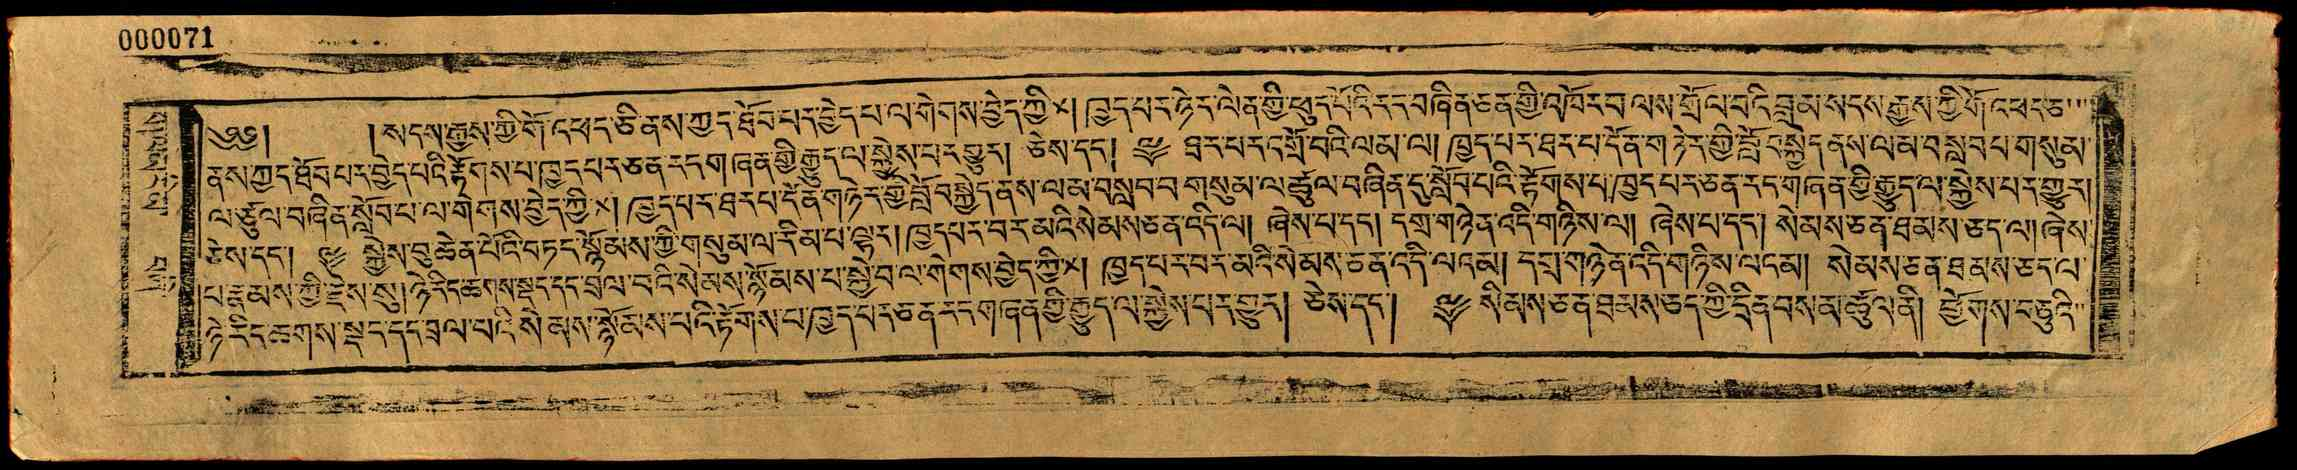༄༅། །སངས་རྒྱས་ཀྱི་གོ་འཕང་ཅི་ནས་ཀྱང་ཐོབ་པར་བྱེད་པ་ལ་གེགས་བྱེད་ཀྱི་྾། ཁྱད་པར་ཉེར་ལེན་གྱི་ཕུང་པོའི་རང་བཞིན་ཅན་གྱི་འཁོར་བ་ལས་གྲོལ་བའི་བླ་མ་སངས་རྒྱས་ཀྱི་གོ་འཕང་ཅི་
ནས་ཀྱང་ཐོབ་པར་བྱེད་པའི་རྟོགས་པ་ཁྱད་པར་ཅན་རང་གཞན་གྱི་རྒྱུད་ལ་སྐྱེས་པར་གྱུར། ཅེས་དང་། ༈ ཐར་པར་འགྲོ་བའི་ལམ་ལ། ཁྱད་པར་ཐར་པ་དོན་གཉེར་གྱི་བློ་བསྐྱེད་ནས་ལམ་བསླབ་པ་གསུམ་
ལ་ཚུལ་བཞིན་སློབ་པ་ལ་གེགས་བྱེད་ཀྱི་྾། ཁྱད་པར་ཐར་པ་དོན་གཉེར་གྱི་བློ་བསྐྱེད་ནས་ལམ་བསླབ་པ་གསུམ་ལ་ཚུལ་བཞིན་དུ་སློབ་པའི་རྟོགས་པ་ཁྱད་པར་ཅན་རང་གཞན་གྱི་རྒྱུད་ལ་སྐྱེས་པར་གྱུར།
ཅེས་དང་། ༈ སྐྱེས་བུ་ཆེན་པོའི་བཏང་སྙོམས་ཀྱི་གསུམ་ལ་རིམ་པ་ལྟར། ཁྱད་པར་བར་མའི་སེམས་ཅན་འདིལ། ཞེས་པ་དང་། དགྲ་གཉེན་འདི་གཉིས་ལ། ཞེས་པ་དང་། སེམས་ཅན་ཐམས་ཅད་ལ། ཞེས་
པ་རྣམས་ཀྱི་རྗེས་སུ། ཉེ་རིང་ཆགས་སྡུང་དང་བྲལ་བའི་སེམས་སྙོམས་པ་སྐྱེ་བ་ལ་གེགས་བྱེད་ཀྱི་྾། ཁྱད་པར་བར་མའི་སེམས་ཅན་འདི་ལའམ། དགྲ་གཉེན་འདི་གཉིས་ལའམ། སེམས་ཅན་ཐམས་ཅད་ལ་
ཉེ་རིང་ཆགས་སྡང་དང་བྲལ་བའི་སེམས་སྙོམས་པའི་རྟོགས་པ་ཁྱད་པར་ཅན་རང་གཞན་གྱི་རྒྱུད་ལ་སྐྱེས་པར་གྱུར། ཅེས་དང་། ༈ སེམས་ཅན་ཐམས་ཅད་ཀྱི་དྲིན་བསམ་ཚུལ་ནི། ཕྱོགས་བཅུའི་